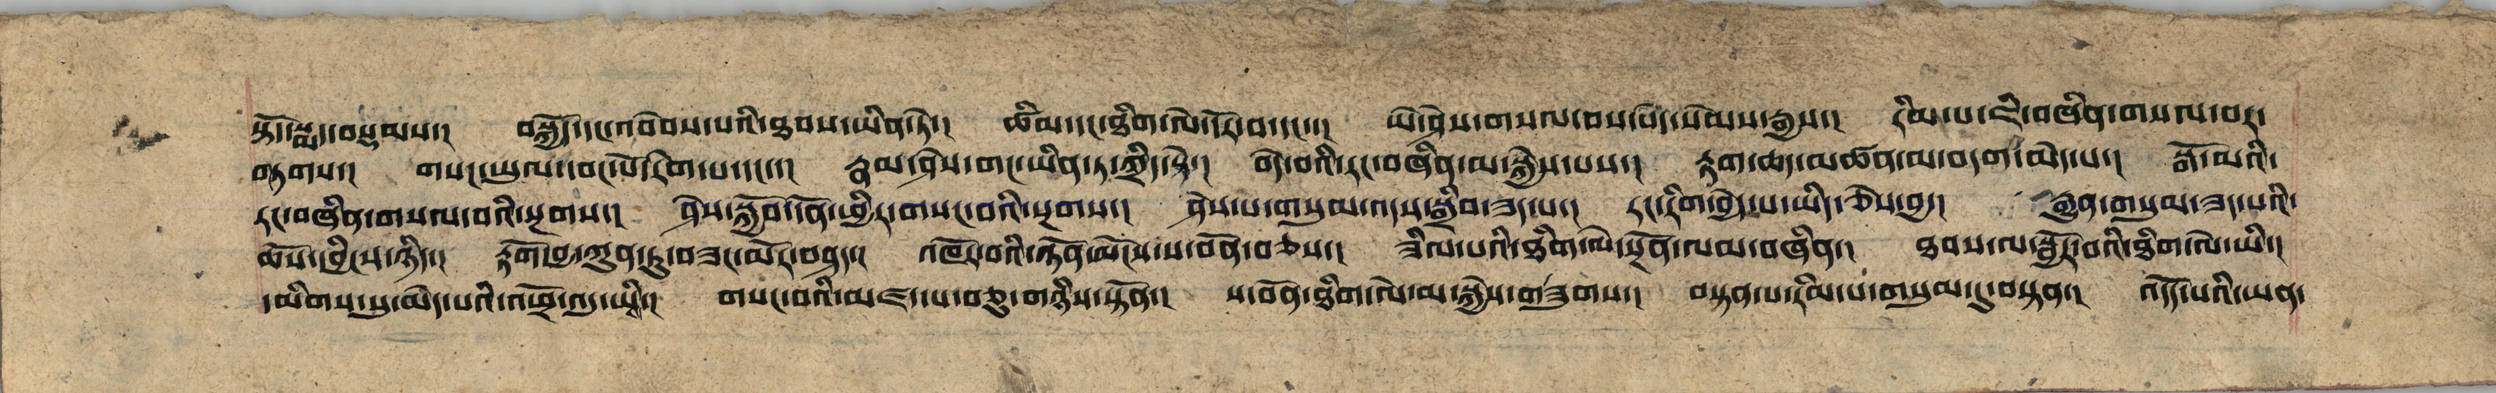སྟོད་སྨད་བསྡམས་། བསྐྱོད་དང་འབེབས་པའི་ཐབས་ཡིན་ཏེ་། ཚིམ་དང་ཐིག་ལེ་དོར་བ་དང་་། ཡེ་ཤེས་གསལ་བས་བདེ་སེམས་རྒྱས་། རིམ་པ་ཇི་བཞིན་གསལ་བར་
བཏགས་། གསང་ཡུལ་དབང་པོ་རིག་པ་དང་་། རྣམ་ཤེས་གང་ཡིན་ཏ་ཀྲིད་སྟེ་། བདེ་བའི་རང་བཞིན་མ་སྐྱེས་པས་། རྟག་ཆད་མཚན་མ་བདག་མེད་པ་། སྒོ་མའི་
རང་བཞིན་གསལ་བའི་སྔགས་། ཤེས་སྐྱོབ་དོན་ཕྱིར་གསང་བའི་སྔགས་། ཤེས་པ་གསུམ་འདས་སྒྲིབ་ཟད་པ་། རང་རིག་བྱེད་པ་ཡིད་ཅེས་བྱ་། རྒྱུན་གསུམ་ཟད་པའི་
ཆོས་དབྱིངས་ཉིད་། རྟོག་བྱ་ཀུན་ཏུ་བཟང་མོར་མཤད་། འཁོར་བའི་ཉོན་མོངས་ས་བོན་བཅས་། ཟིལ་པའི་ཐིག་ལེ་སྔོན་ལམ་བཞིན་། ཐབས་ལ་སྦྱོར་བའི་ཐིག་ལེ་ཡི་།
དམིགས་སུ་མེད་པའི་འཕྲོ་འདུ་ཡིས་། གསང་བའི་མཛད་པ་བཅུ་གཉིས་སྟོན་། ས་བོན་ཐིག་ལེ་མ་སྐྱེས་གཟུགས་། བསྟན་པ་རིམ་པ་གསུམ་དུ་བསྟན་། འདོད་པའི་ཡན་